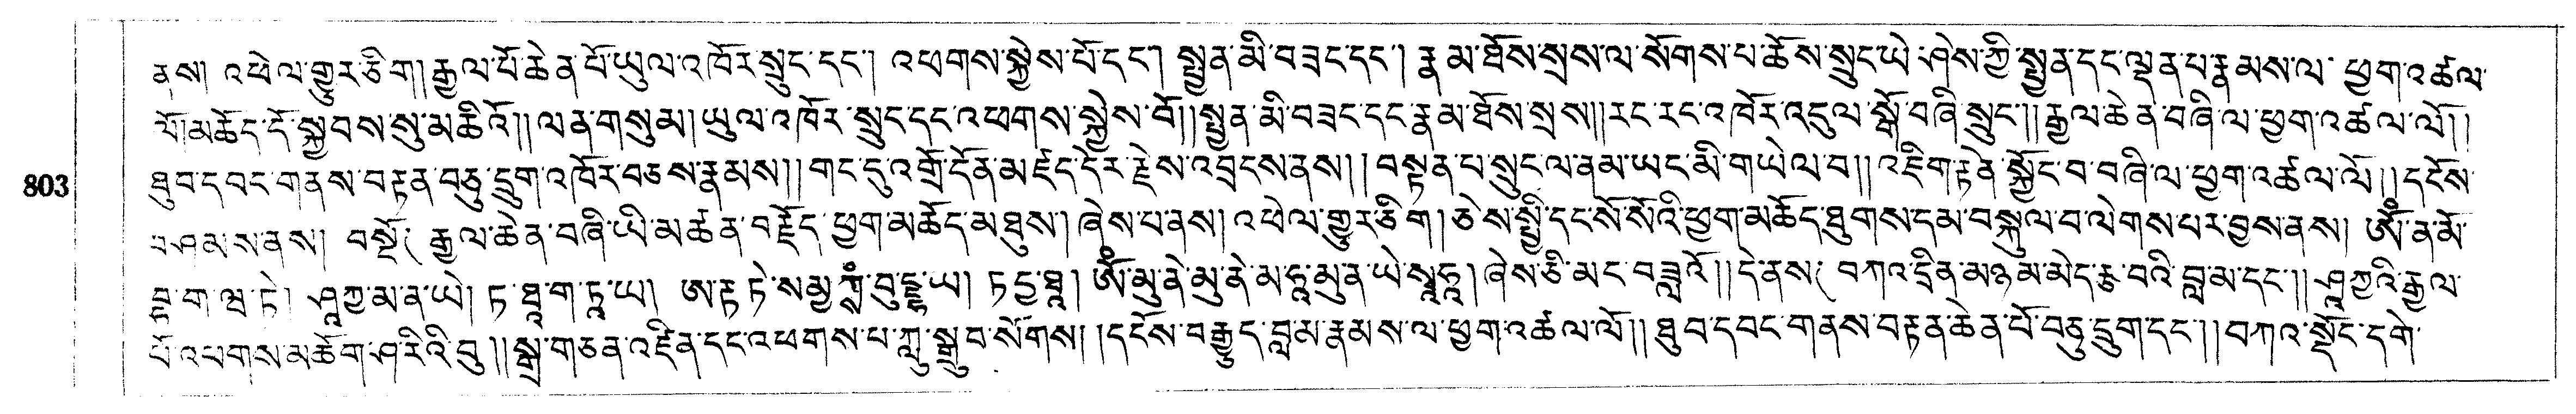ནས། འཕེལ་གྱུར་ཅིག །རྒྱལ་པོ་ཆེན་པོ་ཡུལ་འཁོར་སྲུང་དང་། འཕགས་སྐྱེས་པོ་དང་། སྤྱན་མི་བཟང་དང་། རྣམ་ཐོས་སྲས་ལ་སོགས་པ་ཆོས་སྲུང་ཡེ་ཤེས་ཀྱི་སྤྱན་དང་ལྡན་པ་རྣམས་ལ་ཕྱག་འཚལ་
ལོ། མཆོད་དོ་སྐྱབས་སུ་མཆིའོ། །ལན་གསུམ། ཡུལ་འཁོར་སྲུང་དང་འཕགས་སྐྱེས་བོ། །སྤྱན་མི་བཟང་དང་རྣམ་ཐོས་སྲས། །རང་རང་འཁོར་འདུལ་སྒོ་བཞི་སྲུང་། །རྒྱལ་ཆེན་བཞི་ལ་ཕྱག་འཚལ་ལོ། །
ཐུབ་དབང་གནས་བརྟན་བཅུ་དྲུག་འཁོར་བཅས་རྣམས། །གང་དུ་འགྲོ་དོན་མཛད་དེར་རྗེས་འབྲངས་ནས། །བསྟན་པ་སྲུང་ལ་ནམ་ཡང་མི་གཡེལ་བ། །འཇིག་རྟེན་སྐྱོང་བ་བཞི་ལ་ཕྱག་འཚལ་ལོ། །དངོས་
བཤམས་ནས། བསྔོ༑ རྒྱལ་ཆེན་བཞི་ཡི་མཚན་བརྗོད་ཕྱག་མཆོད་མཐུས། ཞེས་པ་ནས། འཕེལ་གྱུར་ཅིག །ཅེས་སྤྱི་དང་སོ་སོའི་ཕྱག་མཆོད་ཐུགས་དམ་བསྐུལ་བ་ལེགས་པར་བྱས་ནས། ཨོཾ་ན་མོ་
བྷ་ག་ཝ་ཏེ། ཤཱཀྱ་མ་ན་ཡེ། ཏ་ཐཱ་ག་ཏཱ་ཡ། ཨ་རྟ་ཏེ་སམྱ་ཀྶཾ་བུ་དྡྷ་ཡ། ཏདྱ་ཐཱ། ཨོཾ་མུ་ནེ་མུ་ནེ་མ་ཧཱ་མུ་ན་ཡེ་སྭཱཧཱ། ཞེས་ཅི་མང་བཟླའོ། །དེ་ནས༑ བཀའ་དྲིན་མཉམ་མེད་རྩ་བའི་བླ་མ་དང་། །ཤཱཀྱའི་རྒྱལ་
པོ་འཕགས་མཆོག་ཤ་རིའི་བུ། །སྒྲ་གཅན་འཛིན་དང་འཕགས་པ་ཀླུ་སྒྲུབ་སོགས། །དངོས་བརྒྱུད་བླ་མ་རྣམས་ལ་ཕྱག་འཚལ་ལོ། །ཐུབ་དབང་གནས་བརྟན་ཆེན་པོ་བཅུ་དྲུག་དང་། །བཀའ་སྡོང་དགེ་